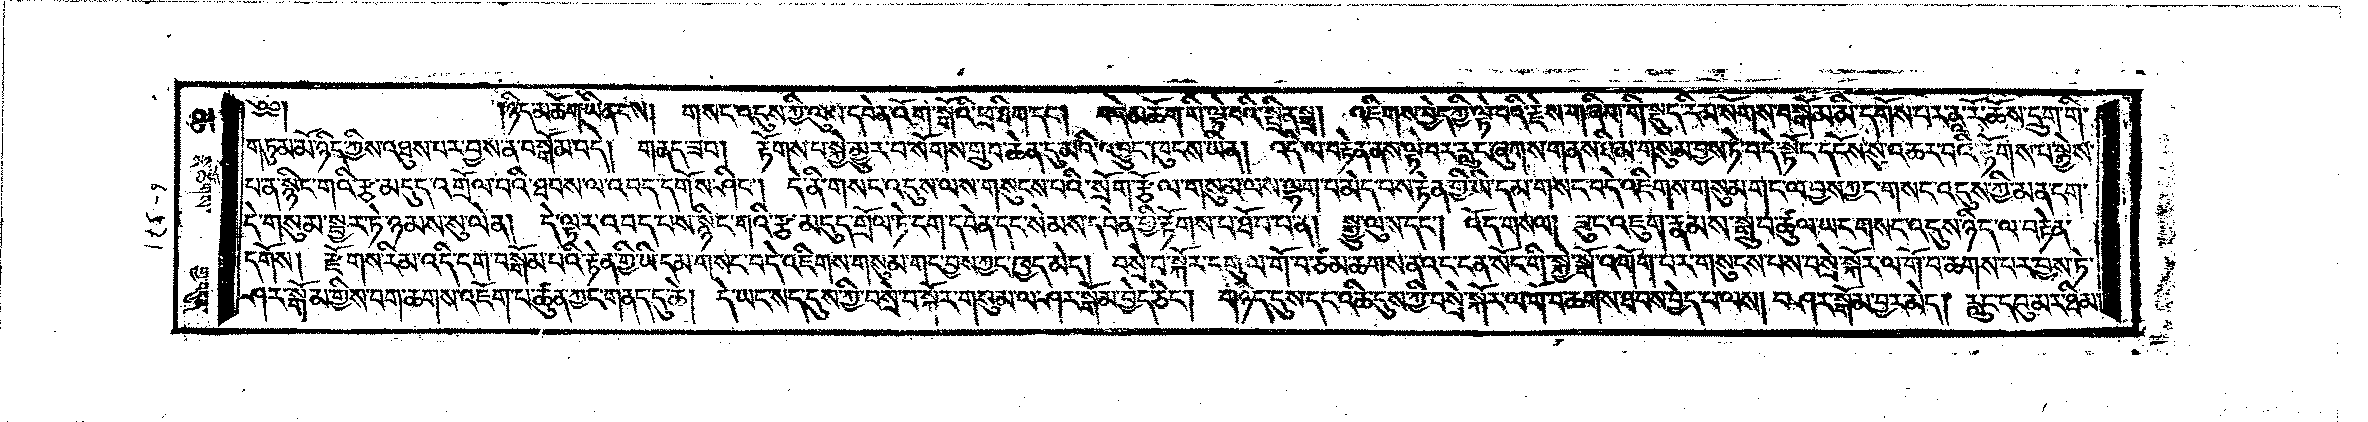༄༅། །ཉིད་མཆོག་ཡིན་ངས། གསང་འདུས་ཀྱི་ལུས་དབེན་འོག་སྒོའི་ཕྲ་ཐིག་དང་། བདེ་མཆོག་གི་ལྟེ་བའི་སྤྲིན་སྒྲ། འཇིགས་བྱེད་ཀྱི་ལྟེ་བའི་རྗེས་གཞིག་གི་སྡུད་རིམ་སོགས་བསྒོམ་མི་དགོས་པར་ནཱ་རོ་ཆོས་དྲུག་གི་
གཏུམ་མོ་ཉིད་ཀྱིས་འཐུས་པར་བྱས་ན་བསྒོམ་བདེ། གནད་ཟབ། རྟོགས་པ་སྐྱེ་མྱུར་བ་སོགས་གྲུབ་ཆེན་དུ་མའི་འབྱུང་ཁུངས་ཡིན། འདི་ལ་བརྟེན་ནས་ལྟེ་བར་རླུང་ཞུགས་གནས་ཐིམ་གསུམ་བྱས་ཏེ་བདེ་སྟོང་དངོས་སུ་འཆར་བའི་རྟོགས་པ་སྐྱེས་
པ་ན་སྙིང་གའི་རྩ་མདུད་འགྲོལ་བའི་ཐབས་ལ་འབད་དགོས་ཤིང་། དེ་ནི་གསང་འདུས་ལས་གསུངས་པའི་སྲོག་རྩོལ་གསུམ་ལས་ལྷག་པ་མེད་པས་རྟེན་གྱི་ཡི་དམ་གསང་བདེ་འཇིགས་གསུམ་གང་ལ་བྱས་ཀྱང་གསང་འདུས་ཀྱི་མན་ངག་
དེ་གསུམ་སྦྱར་ཏེ་ཉམས་སུ་ལེན། དེ་ལྟར་འབད་པས་སྙིང་གའི་རྩ་མདུད་གྲོལ་ཏེ་ངག་དབེན་དང་སེམས་དབེན་གྱི་རྟོགས་པ་ཐོབ་པ་ན། སྒྱུ་ལུས་དང་། འོད་གསལ། ཟུང་འཇུག་རྣམས་སྒྲུབ་ཚུལ་ཡང་གསང་འདུས་ཉིད་ལ་བརྟེན་
དགོས། རྫོགས་རིམ་འདི་དག་བསྒོམ་པའི་རྟེན་གྱི་ཡི་དམ་གསང་བདེ་འཇིགས་གསུམ་གང་བྱས་ཀྱང་ཁྱད་མེད། བསྲེ་བ་སྐོར་དགུ་ལ་གོ་བ་ཙམ་ཆགས་ནའང་ངན་སོང་གི་སྐྱེ་སྒོ་འགོག་པར་གསུངས་པས་བསྲེ་སྐོར་ལ་གོ་བ་ཆགས་པར་བྱས་ཏེ་
ཤར་སྒོམ་གྱིས་བག་ཆགས་འཇོག་པ་ཚུན་ཀྱང་གནད་དུ་ཆེ། དེ་ཡང་སད་དུས་ཀྱི་བསྲེ་བ་སྐོར་གསུམ་ལ་ཤར་སྒོམ་བྱེད་ཅིང་། གཉིད་དུས་དང་འཆི་དུས་ཀྱི་བསྲེ་སྐོར་ལ་གོ་བ་ཆགས་ཐབས་བྱེད་པ་ལས། བཤར་སྒོམ་བྱར་མེད། རླུང་དབུ་མར་ཐིམ་